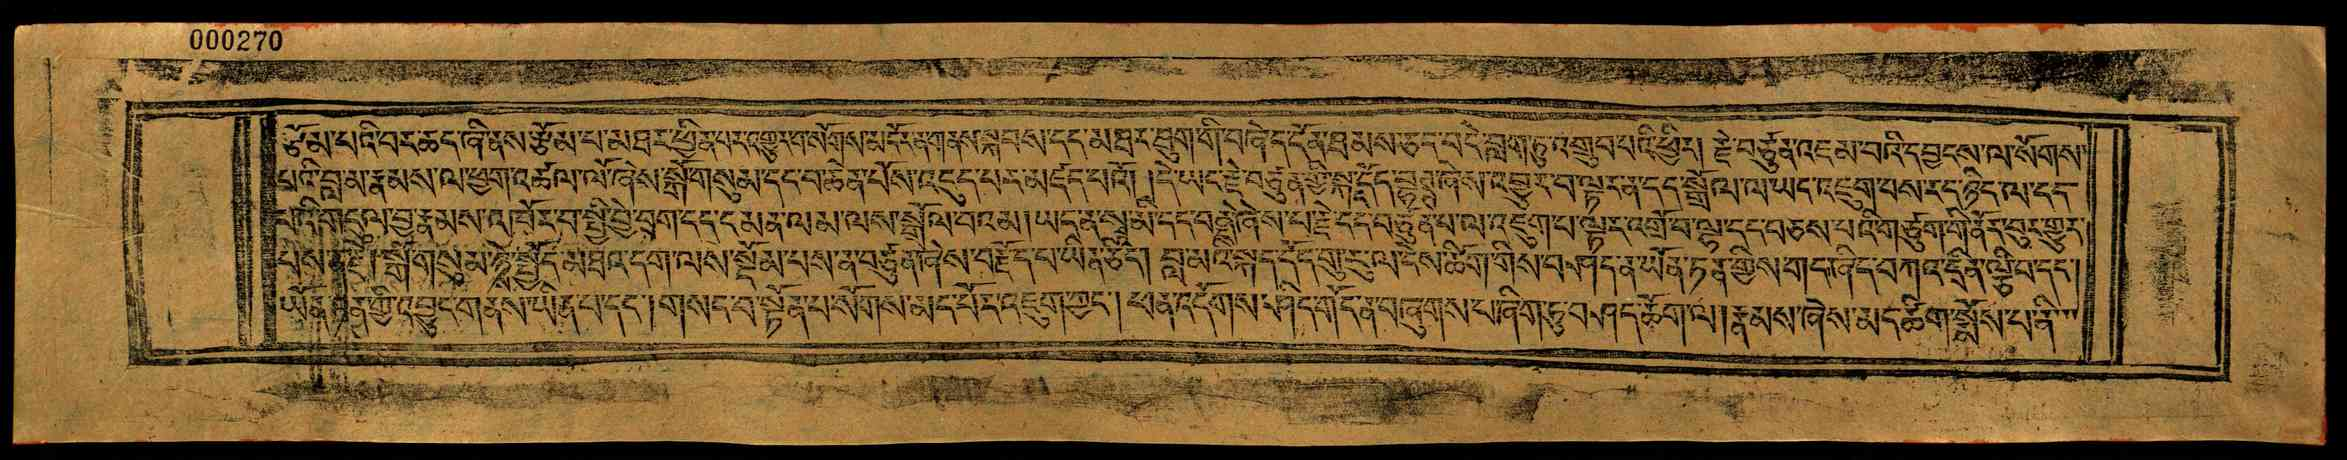རྩོམ་པའི་བར་ཆད་ཞི་ནས་རྩོམ་པ་མཐར་ཕྱིན་བར་འགྱུར་བ་སོགས་མདོར་ན་གནས་སྐབས་དང་མཐར་ཐུག་གི་བཞེད་དོན་ཐམས་ཅད་བདེ་བླག་ཏུ་འགྲུབ་པའི་ཕྱིར། རྗེ་བཙུན་འཇམ་པའི་དབྱངས་ལ་སོགས་
པའི་བླ་མ་རྣམས་ལ་ཕྱག་འཚལ་ལོ་ཞེས་སྒོ་གསུམ་དང་བ་ཆེན་པོས་འདུད་པར་མཛད་པའོ། །དེ་ཡང་རྗེ་བཙུན་གྱི་སྐ་དོད་བྷ་ཊྚ་ཞེས་འབྱུང་བ་ལྟར་ན་དད་སྒྲོ་ལ་ལ་ཡང་འཇུག་པས་རང་ཉིད་ལ་དད་
པའི་གདུལ་བྱ་རྣམས་འཁོར་བྑོར་བ་སྤྱི་བྲག་དང་དམན་ལམ་ལས་སྒྲོལ་པའམ་ཡང་ན་སྭ་མི་དང་བནྡེ་ཞེས་པ་རྗེ་དང་བཙུན་པ་ལ་འཇུག་པ་ལྟར་འགྲོ་བ་ལྷ་དང་བཅས་པའི་གཙུག་གི་ནོར་བུར་གྱུར་
པས་ན་རྗེ། སྒོ་གསུམ་ཉེས་སྤྱོད་མཐའ་དག་ལས་སྣོམ་བས་ན་བཙུན་ཞེས་བརྗོད་པ་ཡིན་ཟིང་། བླ་མའི་སྐད་དོད་གུ་རུ་ལ་ངེས་ཚིག་གིས་བཤད་ན་ཡོན་ཏན་གྱིས་གང་ཞིང་བཀའ་དྲིན་ལྕི་བ་དང་།
ཡོན་ཏན་གྱི་འབྱུང་གནས་ཡིན་པ་དང་། གསང་བ་སྟོན་པ་སོགས་མང་པོར་འཇུག་ཀྱང་། ཕན་འདོགས་ཤིང་གོང་ན་བཞུགས་པ་ཞིག་ཏུ་བཤད་ཆོག་ལ། རྣམས་ཞེས་མང་ཚིག་སྨོས་པ་ནི་་་